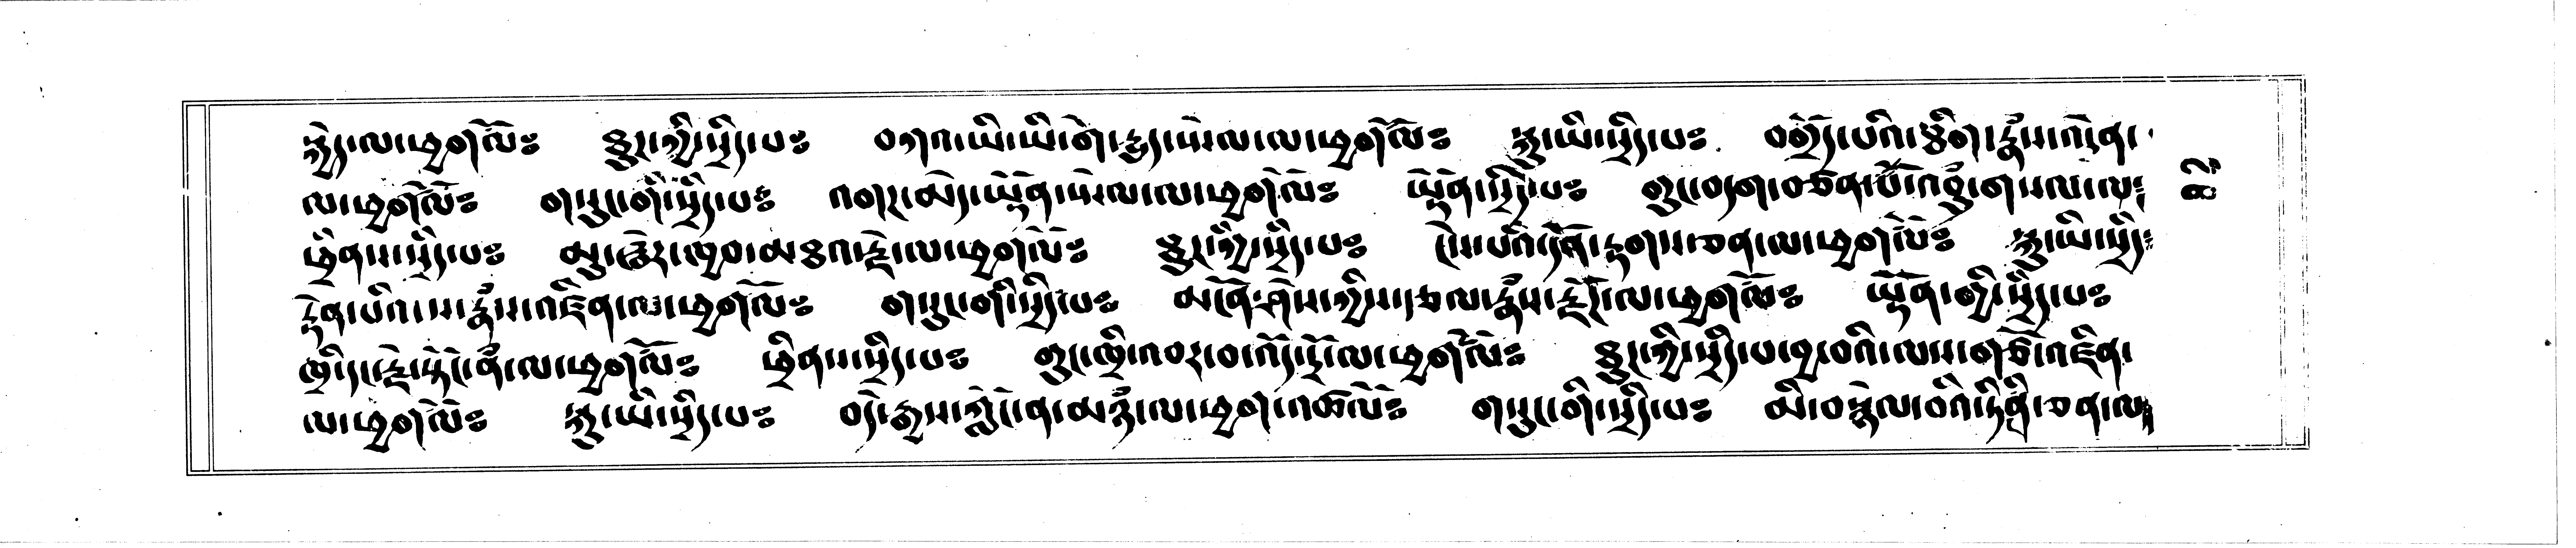སྐྱེད་ལ་ཕྱག་འཚལ་ལོཿ ཐུགས་ཀྱི་སྲིད་པཿ བཀའ་ཡི་ཡི་གེ་རྒྱུད་སྤེལ་ལ་ཕྱག་འཚལ་ལོཿ སྐུ་ཡི་སྲིད་པཿ བགྲོད་པའི་ཐིག་རྣམས་འདེབས་
ལ་ཕྱག་འཚལ་ལོཿ གསུང་གི་སྲིད་པཿ འགག་མེད་ཡོན་ཏན་སྤེལ་ལ་ཕྱག་འཚལ་ལོཿ ཡོན་ཏན་གྱི་སྲིད་པཿ གུང་བདག་བཙན་འབུམ་གསལ་ལ་ཕྱག་འཚལ་ལོཿ
ཕྲིན་ལས་ཀྱི་སྲིད་པཿ མུ་ཝེར་ཁྱབ་མཁའ་རྗེ་ལ་ཕྱག་འཚལ་ལོཿ ཐུགས་ཀྱི་སྲིད་པཿ ངེས་པའི་དོན་རྟགས་ཅན་ལ་ཕྱག་འཚལ་ལོཿ སྐུ་ཡི་སྲིད་པཿ 
བརྟན་པའི་ས་རྣམས་འཛིན་ལ་ཕྱག་འཚལ་ལོཿ གསུང་གི་སྲིད་པཿ མངོན་ཤེས་ཀྱི་རྩལ་རྣམས་རྫོགས་ལ་ཕྱག་འཚལ་ལོཿ ཡོན་ཏན་གྱི་སྲིད་པཿ 
ཁྲི་དང་རྗེ་སྟོན་ནམ་ལ་ཕྱག་འཚལ་ལོཿ ཕྲིན་ལས་ཀྱི་སྲིད་པཿ གུང་ཁྲི་འབར་བ་འོད་དྲོ་ལ་ཕྱག་འཚལ་ལོཿ ཐུགས་ཀྱི་སྲིད་པཿ བྱ་བའི་ལས་གཙོ་འཛིན་
ལ་ཕྱག་འཚལ་ལོཿ སྐུ་ཡི་སྲིད་པཿ བདེ་རྒྱས་ཀློང་ན་མཉམ་ལ་ཕྱག་འཚལ་ལོཿ གསུང་གི་སྲིད་པཿ མི་བསྙེལ་བའི་ཏིང་འཛིན་ཅན་ལ་ཕྱག་འཚལ་ལོཿ